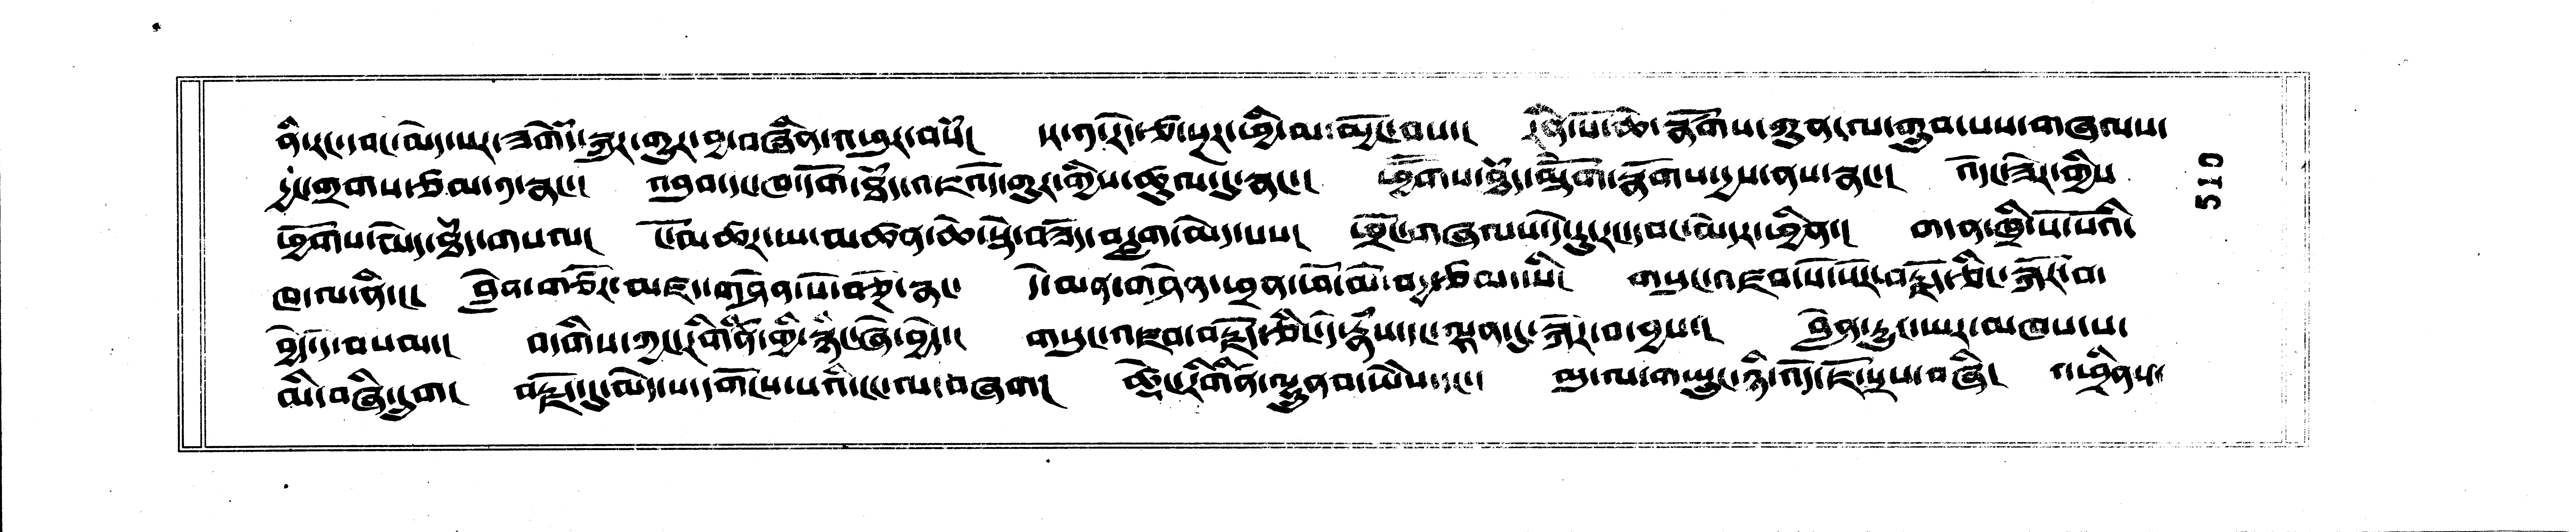ནི་རང་དབང་མེད་པར་ཟག་མེད་སྐུ་རུ་གྱུར་ནས་བྱ་བཞིན་འཕུར་བར་བསམ། དར་ཅིག་རེ་ཙ་སྔར་ཕྱིན་མ་མྱོང་བའི། རིན་པོ་ཆེ་སྣ་ཚོགས་ཀུན་ལས་གྲུབ་པའི་གཞལ་ཡས་
རྒྱང་གྲགས་ཙམ་ཅིག་སྣང་། འབུབ་དང་ཁ་བད་ཐམས་ཅད་གཞའ་ཚོན་འོད་གུར་གྱིས་ཚུལ་དུ་སྣང་། ཕྱོགས་ཕྱོགས་ཐམས་ཅད་མེ་ཏོག་སྣ་ཚོགས་གི་རྒྱས་ནས་སྣང་། འོད་དང་ཟེར་གྱིས་
ཕྱོགས་མེད་ཐམས་ཅད་གསལ། ངོ་མཚར་ཡ་མཚན་ཆེ་སྟེ་བཟོད་བརླག་མེད་པའི་ཕོ་བྲང་གཞལ་ཡས་དེ་རུ་རང་དབང་མེད་པར་ཕྱིན། བདན་ཁྲི་བཞག་པ་སོ་སོར་གྱི་
ཁ་ལ། བླ་ཆེན་མཛོད་ལྡན་གཤེན་པོ་བཅོ་ལྔ་སྣང་། དེ་མེན་གཤེན་པོ་ཕོ་མོ་བརྒྱ་ཙམ་གྱི་༼གྱིས༽། གསང་འཛབ་སོ་སོར་བརྗོད་ཞིང་སྐོར་བ་
བྱེད་བདོ་བསམ། བདག་ཀྱང་རིག་འཛིན་སྙིང་པོ་ཞི་བྱེད། ཡང་གསང་བརྗོད་ཅིང་དེ་རྣམས་དང་ལྷན་དུ་བསྐོར་བ་བྱས། བླ་ཆེན་རྒྱུང་ཡར་མཁས་པ་
མི་བཞི་དྲུག་བརྗོད་དུ་མེད་པར་དགོངས་པའི་ངང་ལ་བཞུགས། ཚེ་དབང་རིག་འཛིན་ལྷུན་གྲུབ་ཡེ་ཤེས་དང་། མུ་ལ་གཡུང་དྲུང་ཉི་འོད་ཇོ་སྲས་དང་བཞིའི་༼བཞིས༽། འཕྲིན་ལས་